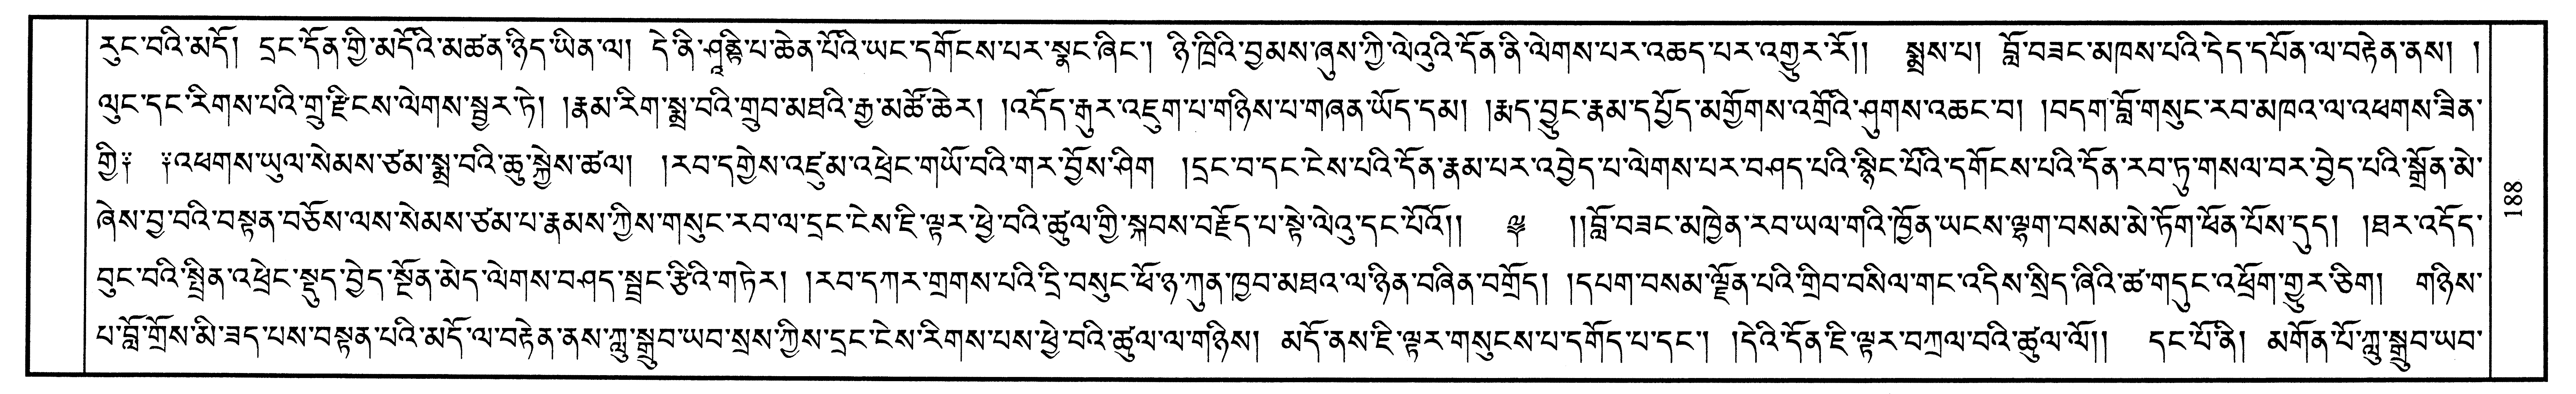རུང་བའི་མདོ། དྲང་དོན་གྱི་མདོའི་མཚན་ཉིད་ཡིན་ལ། དེ་ནི་ཤཱནྟི་པ་ཆེན་པོའི་ཡང་དགོངས་པར་སྣང་ཞིང་། ཉི་ཁྲིའི་བྱམས་ཞུས་ཀྱི་ལེའུའི་དོན་ནི་ལེགས་པར་འཆད་པར་འགྱུར་རོ།། སྨྲས་པ། བློ་བཟང་མཁས་པའི་དེད་དཔོན་ལ་བརྟེན་ནས། །
ལུང་དང་རིགས་པའི་གྲུ་རྫིངས་ལེགས་སྦྱར་ཏེ། །རྣམ་རིག་སྨྲ་བའི་གྲུབ་མཐའི་རྒྱ་མཚོ་ཆེར། །འདོད་རྒྱུར་འཇུག་པ་གཉིས་པ་གཞན་ཡོད་དམ། །རྨད་བྱུང་རྣམ་དཔྱོད་མགྱོགས་འགྲོའི་ཤུགས་འཆང་བ། །བདག་བློ་གསུང་རབ་མཁའ་ལ་འཕགས་ཟིན་
གྱི༑ ༑འཕགས་ཡུལ་སེམས་ཙམ་སྨྲ་བའི་ཆུ་སྐྱེ་ཚལ། །རབ་དགྱེས་འཛུམ་འཕྲེང་གཡོ་བའི་གར་བྱོས་ཤིག །དྲང་བ་དང་ངེས་པའི་དོན་རྣམ་པར་འབྱེད་པ་ལེགས་པར་བཤད་པའི་སྙིང་པོའི་དགོངས་པའི་དོན་རབ་ཏུ་གསལ་བར་བྱེད་པའི་སྒྲོན་མེ་
ཞེས་བྱ་བའི་བསྟན་བཅོས་ལས་སེམས་ཙམ་པ་རྣམས་ཀྱིས་གསུང་རབ་ལ་དྲང་ངེས་ཇི་ལྟར་ཕྱེ་བའི་ཚུལ་གྱི་སྐབས་བརྗོད་པ་སྟེ་ལེའུ་དང་པོའོ།། ༈ །།བློ་བཟང་མཁྱེན་རབ་ཡལ་གའི་ཁྱོན་ཡངས་ལྷག་བསམ་མེ་ཏོག་ཕོན་པོས་དུད། །ཐར་འདོད་
བུང་བའི་སྤྲིན་འཕྲེང་སྡུད་བྱེད་སྔོན་མེད་ལེགས་བཤད་སྦྲང་རྩིའི་གཏེར། །རབ་དཀར་གྲགས་པའི་དྲི་བསུང་ཕོ་ཉ་ཀུན་ཁྱབ་མཐའ་ལ་ཉིན་བཞིན་བགྲོད། །དཔག་བསམ་ལྗོན་པའི་གྲིབ་བསིལ་གང་འདིས་སྲིད་ཞིའི་ཚ་གདུང་འཕྲོག་གྱུར་ཅིག། གཉིས་
པ་བློ་གྲོས་མི་ཟད་པས་བསྟན་པའི་མདོ་ལ་བརྟེན་ནས་ཀླུ་སྒྲུབ་ཡབ་སྲས་ཀྱིས་དྲང་ངེས་རིགས་པས་ཕྱེ་བའི་ཚུལ་ལ་གཉིས། མདོ་ནས་ཇི་ལྟར་གསུངས་པ་དགོད་པ་དང་། །དེའི་དོན་ཇི་ལྟར་བཀྲལ་བའི་ཚུལ་ལོ།། དང་པོ་ནི། མགོན་པོ་ཀླུ་སྒྲུབ་ཡབ་